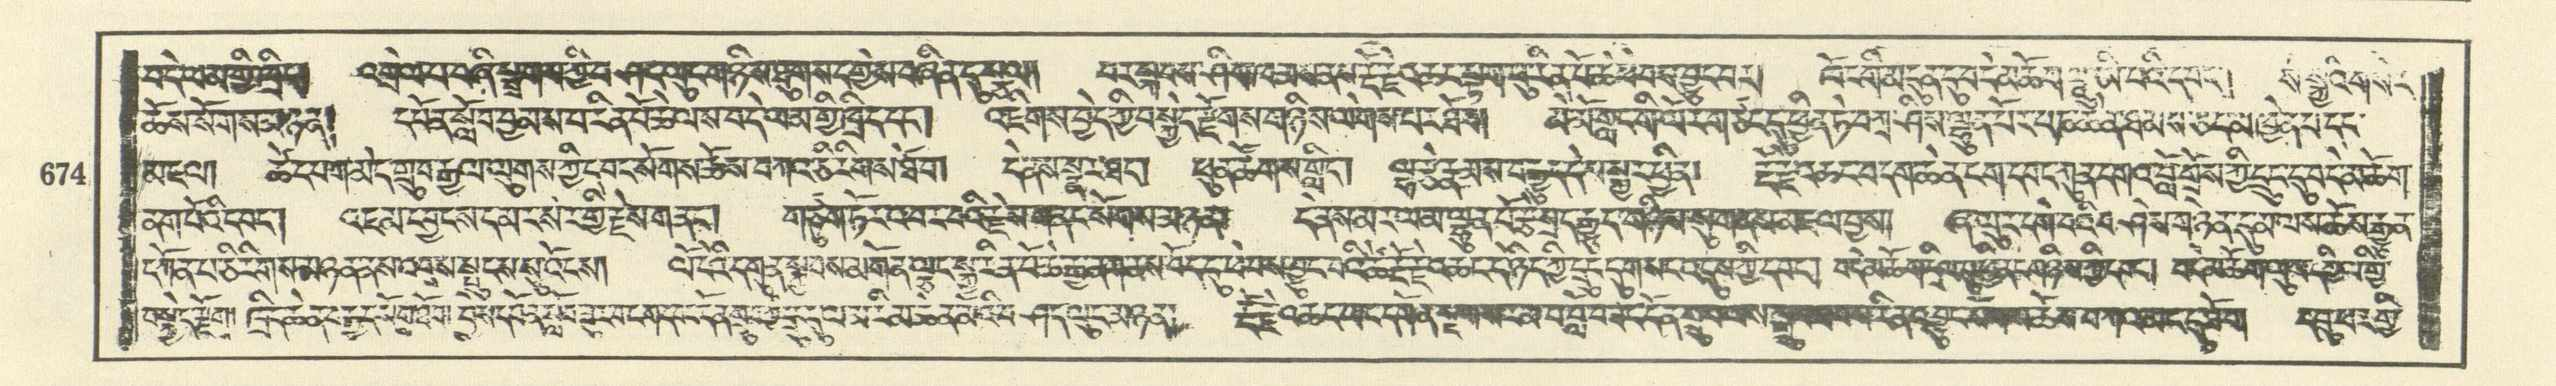བདེ་ལམ་གྱི་ཁྲིད། འགྲེལ་པ་བཞི་སྦྲགས་ཀྱི་བཤད་ལུང་གཉིས་ཐུགས་དགྱེས་བཞིན་དུ་སྩལ། བར་སྐབས་ཤིག་ཁམས་ནས་རྡོ་རྗེ་འཆང་སྟག་ཕུ་རིན་པོ་ཆེ་ཕེབས་བྱུང་བར། ཁོང་གི་མདུན་དུ་བདེ་མཆོག་ལཱུ་ཨི་པའི་དབང་། ས་སྐྱའི་གསེར་
ཆོས་སོགས་མཉན། དཔོན་སློབ་བྱམས་པ་རིན་པོ་ཆེ་ལས་བདེ་ལམ་གྱི་ཁྲིད་དང་། འཇིགས་བྱེད་ཀྱི་བསྐྱེད་རྫོགས་གཉིས་ལེགས་པར་ཐོབ། མེ་མོ་གླང་གི་ལོར་གཙང་དུ་ཕྱིན་ཏེ་བཀྲ་ཤིས་ལྷུན་པོར་པཎ་ཆེན་ཐམས་ཅད་མཁྱེན་པ་དང་
མཇལ། ཚེ་དཔག་མེད་གྲུབ་རྒྱལ་ལུགས་ཀྱི་དབང་སོགས་ཆོས་བཀའ་ཅི་རིགས་ཐོབ། དེ་ནས་སྣར་ཐང་། ཕུན་ཚོགས་གླིང་། ལྷ་རྩེ་རྣམས་བརྒྱུད་དེས་སྐྱར་ཕྱིན། རྡོ་རྗེ་འཆང་བདག་ཆེན་ངག་དབང་ཀུན་དགའ་བློ་གྲོས་ཀྱི་དྲུང་དུ་བདེ་མཆོག་
ནག་པོའི་དབང་། འཇམ་དབྱངས་དམར་སེར་གྱི་རྗེས་གནང་། གཙུག་ཏོར་འབར་བའི་རྗེས་གནང་སོགས་མཉན། དེ་ནས་མར་ལམ་ལྷུན་པོ་རྩེ་སྲད་རྒྱུད་གཉིས་སུ་གནས་མཇལ་བྱས། ཞ་ལུར་དགེ་བའི་བཤེས་གཉེན་དུ་མ་ལས་ཆོས་རྒྱུན་
དཀོན་པ་ཅི་རིགས་མཉན་ནས་འབྲས་སྤུངས་སུ་འོངས། ལོ་དེའི་དགུན་སྐྱབས་མགོན་ལྕང་སྐྱ་རིན་པོ་ཆེ་རྒྱ་ནག་ནས་བོད་དུ་ཕེབས་བྱུང་བའི་ཚེ་རྡོ་རྗེ་འཆང་དེ་ཉིད་ཀྱི་དྲུང་དུ་གསང་འདུས་ཀྱི་དབང་། བདེ་མཆོག་དྲིལ་བུ་ཕྱི་ནང་གཉིས་ཀྱི་དབང་། བདེ་མཆོག་ལུས་དཀྱིལ་གྱི་
བསྐྱེད་རྫོག། ཁྲིད་ཆེན་བརྒྱད་སོགས་ཐོབ། བྱེས་དཔོན་སློབ་ཟུར་བ་ངག་དབང་དོན་གྲུབ་ཀྱི་དྲུང་དུ་ལམ་རིམ་ཆེན་མོའི་བཤད་ལུང་མཉན། རྡོ་རྗེ་འཆང་ཡང་དགོན་སྔགས་རམ་པ་བློ་བཟང་དོན་གྲུབ་ལས་སྒྲུབ་ཐབས་རིན་འབྱུང་སོགས་ཆོས་བཀའ་མང་དུ་ཐོབ། དབུ་ཕར་གྱི་